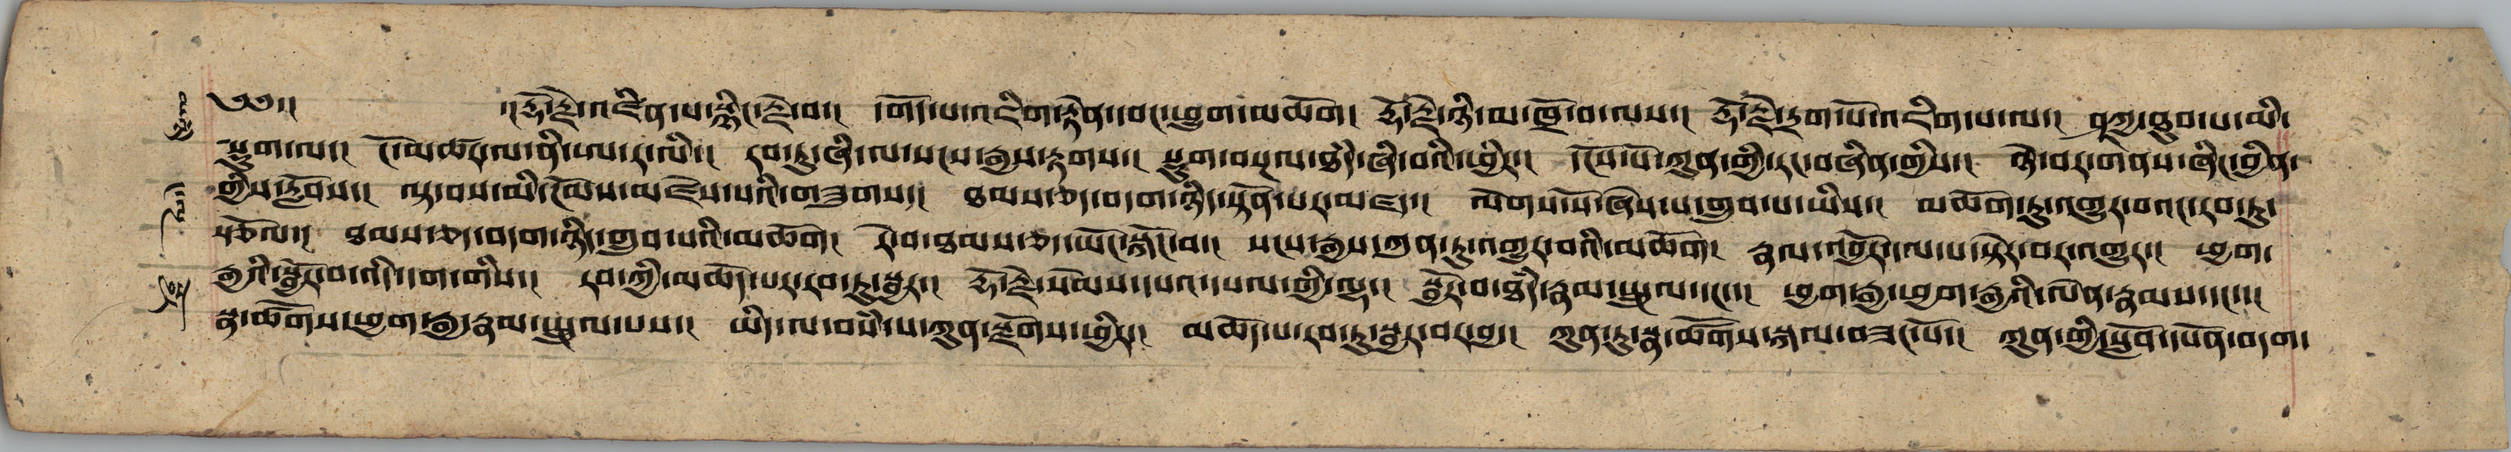༄༅་། ་།རྡོ་རྗེ་འཛིན་པ་སྙིང་རྗེ་བ་། དགོད་པ་འཇིག་རྟེན་དབང་ཕྱུག་མཆོག། རྡོ་རྗེ་ཉི་མ་ཁྲོ་བ་ལས་། རྡོ་རྗེ་དྲག་པོ་འཇིག་པ་ལ་། ཤཱཀྱ་ཐུབ་པ་མི་
སྡུག་ལ་། ངོ་མཚར་ལ་ནི་ཨ་ར་ལི་། རབ་ཏུ་ཞི་ལ་སངས་རྒྱས་རྟགས་། སྡུག་བསྔལ་ཐཾད་ཞི་བའི་ཕྱིར་། དངོས་པོ་ཀུན་གྱི་རང་བཞིན་གྱིས་། ཉེ་བར་གནས་ཞིང་བྱིན་
གྱིས་རློབས་། ལྟ་བས་མི་ངོམས་མཛེས་པའི་གཟུགས་། ཐམས་ཅད་བདག་ཉིད་སྟོན་པར་མཛད་། ལོགས་སོ་ཞེས་པ་གྲུབ་པ་ཡིས་། མཆོག་ཏུ་འགྱུར་བའང་རབ་ཏུ་
སྩོལ་། ཐམས་ཅད་བདག་ཉིད་གྲུབ་པའི་མཆོག། རེ་བ་ཐམས་ཅད་ཡོང་སྐོང་བ་། སངས་རྒྱས་ཀུན་ཏུ་འགྱུར་བའི་མཆོག། རྣལ་འབྱོར་དལ་པ་སྟེར་བར་འགྱུར་། ཕྱག་
རྒྱའི་སྦྱོར་བ་འདི་དག་གིས་། རབ་ཀྱི་མཆོད་པར་རབ་ཏུ་སྦྱར་། རྡོ་རྗེ་སེམས་དཔའ་དཔལ་གྱི་ལྷ་། སྦྱོར་བ་ཐདཾ་རྣམ་སྤྲུལ་དང་་། ཕྱག་རྒྱ་ཕྱག་རྒྱའི་ལེན་རྣམས་དང་་།
སྣ་ཚོགས་ཕྱག་རྒྱ་རྣམ་སྤྲུལ་པས་། ཡིད་ལ་བསཾ་པ་ཀུན་སྫོགས་ཕྱིར་། མཆོད་པ་རབ་ཏུ་སྦྱར་བར་བྱ་། ཀུན་ཏུ་སྣ་ཚོགས་སྐལ་བཟང་པོ་། ཀུན་གྱི་སློབ་དཔོན་བདག་